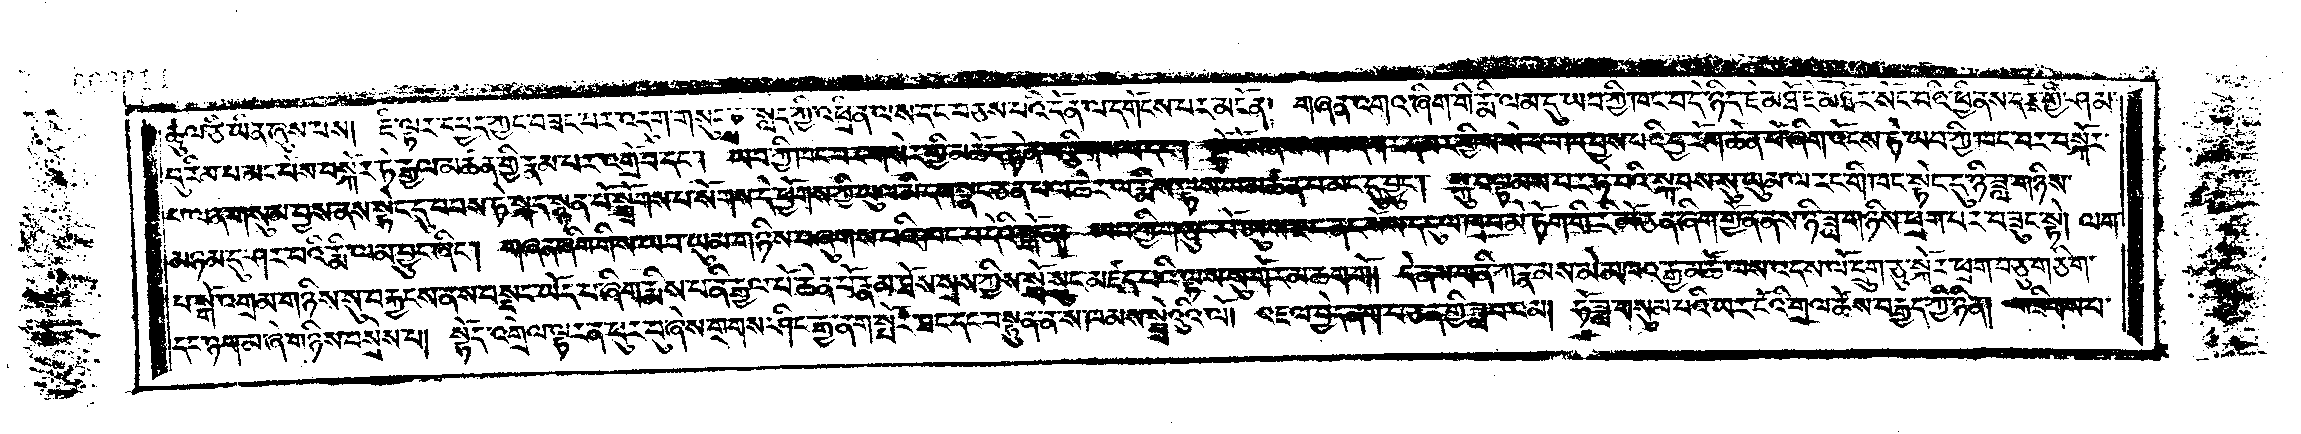ཚུལ་ཅི་ཡིན་ཞུགས་པས། ཇི་ལྟར་དཔྱད་ཀྱང་བཟང་པར་འདུག་གསུངས་ཏེ་སླད་ཀྱི་འཕྲིན་ལས་དང་བཅས་པའི་དོན་ལ་དགོངས་པར་མངོན། གཞན་འགའ་ཞིག་གི་རྨི་ལམ་དུ་ཡབ་ཀྱི་ཁང་བདེ་ཉིད་ཇེ་མཐོ་རྗེ་མཐོར་སོང་བའི་ཕྱི་ནས་དར་གྱི་ཤམ་
བུ་རིམ་པ་མང་པོས་བསྐོར་ཏེ་རྒྱལ་མཚན་གྱི་རྣམ་པར་འགྲོ་བ་དང་། ཡབ་ཀྱི་ཁང་བར་གསེར་གྱི་མཆོད་རྟེན་བརྩིགས་པ་དང་། ལྷོ་ངོས་ནས་ཤལ་དཀར་དམར་གྱིས་སེ་རལ་ཁ་བྱས་པའི་བྱ་རོག་ཆེན་པོ་ཞིག་འོངས་ཏེ་ཡབ་ཀྱི་ཁང་བར་བསྐོར་
པ་ལན་གསུམ་བྱས་ནས་སྟེང་དུ་བབས་ཏེ་སྐད་སྙན་པོ་སྒྲོགས་པ་སོགས་དེ་ཕྱོགས་ཀྱི་ཡུལ་མི་དག་སྣང་ཅན་ཕལ་ཆེར་ལ་རྨིས་ལྟས་ཡ་མཚན་པ་མང་དུ་བྱུང་། སྐུ་བལྟམས་པར་ཉེ་བའི་སྐབས་སུ་ཡུམ་ལ་རང་གི་ཁང་སྟེང་དུ་ཉི་ཟླ་གཉིས་
མཉམ་དུ་ཤར་པའི་རྨི་ལམ་བྱུང་ཞིང་། གཞན་ཞིག་གིས་ཡབ་ཡུམ་གཉིས་བཞུགས་པའི་ཁང་བ་དེའི་སྒོ་ན། ཡབ་ཀྱི་གཅུང་པོ་ཨུས་ཇང་ནང་སོས་དངུལ་ཁྲབ་མེ་ཏོག་གི་རི་མོ་ཅན་ཞིག་གྱོན་ནས་ཉི་ཟླ་གཉིས་ཕྲག་པར་བཟུང་སྟེ། ལག་
པ་སྒོ་འགྲམ་གཉིས་སུ་བརྐྱངས་ནས་བསྡང་ཡོད་པ་ཞིག་རྨིས་པ་ནི་རྒྱལ་པོ་ཆེན་པོ་རྣམ་ཐོས་སྲས་ཀྱིས་སྒོ་སྲུང་མཛད་པའི་ལྟས་སུ་གོར་མ་ཆག་གོ། དེ་ནས་ག་ནི་ཀ་རྣམས་མེ་མཁའ་རྒྱ་མཚོ་ལས་འདས་ལོ་དྲུག་ཅུ་སྐོར་ཕྲག་བཅུ་གཅིག་
དང་ཉག་མ་ཞེ་གཉིས་བསྲེས་པ། སྟོད་འགྲེལ་ལྟར་ན་ཕུར་བུ་ཞེས་གྲགས་ཤིང་རྒྱ་ནག་སྤོར་ཐང་དང་བསྟུན་ནས་ཁམས་སྤྲེའུའི་ལོ། འཇལ་བྱེད་ནག་པ་ཅན་གྱི་ཟླ་བ་འམ། ཧོ་ཟླ་གསུམ་པའི་ཡར་ངོའི་གྲལ་ཚེས་བརྒྱད་ཀྱི་ཉིན། གཟིགས་པ་